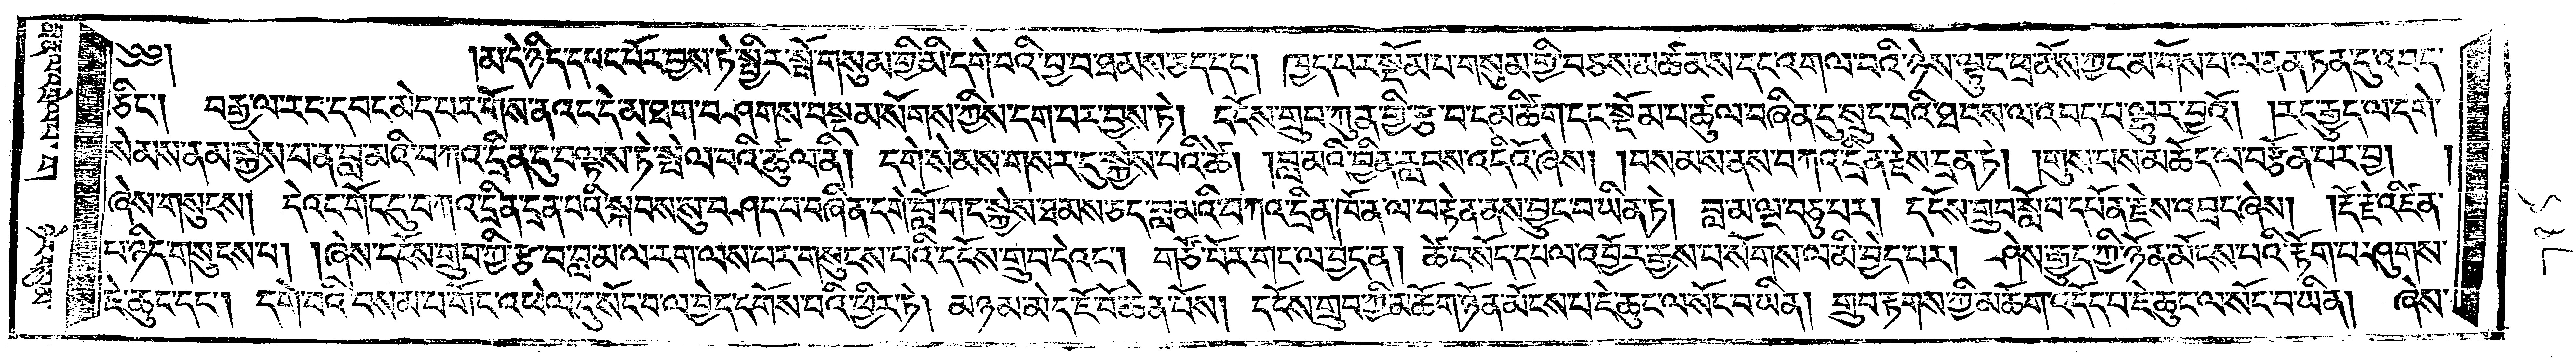༄༅། །མ་དེ་ཉིད་དབང་པོར་བྱས་ཏེ་སྤྱིར་སྒོ་གསུམ་གྱི་མི་དགེ་བའི་བྱ་བ་ཐམས་ཅད་དང་། ཁྱད་པར་སྡོམ་པ་གསུམ་གྱི་བཅས་མཚམས་དང་འགལ་བའི་ཉེས་ལྟུང་ཕྲ་མོས་ཀྱང་མ་གོས་པ་ལ་ནན་ཏན་དུ་འབད་
ཅིང་། བརྒྱ་ལ་རང་དབང་མེད་པར་གོས་ནའང་དེ་མ་ཐག་བཤགས་བསྡམ་སོགས་ཀྱིས་དག་པར་བྱས་ཏེ། དངོས་གྲུབ་ཀུན་གྱི་རྩ་བ་དམ་ཚིག་དང་སྡོམ་པ་ཚུལ་བཞིན་དུ་སྲུང་བའི་ཐབས་ལ་འབད་པ་ལྷུར་བྱའོ། །རང་རྒྱུད་ལ་དགེ་
སེམས་ནམ་སྐྱེས་པ་ན་བླ་མའི་བཀའ་དྲིན་དུ་བལྟས་ཏེ་སྤེལ་བའི་ཚུལ་ནི། དགེ་སེམས་གསར་དུ་སྐྱེས་པའི་ཚེ། །བླ་མའི་བྱིན་རླབས་འདིའོ་ཞེས། །བསམས་ནས་བཀའ་དྲིན་རྗེས་དྲན་ཏེ། །གུས་པས་མཆོད་ལ་བརྩོན་པར་བྱ། །
ཞེས་གསུངས། དེའང་གོང་དུ་བཀའ་དྲིན་དྲན་པའི་སྐབས་སུ་བཤད་པ་བཞིན་དགེ་བློ་གང་སྐྱེས་ཐམས་ཅད་བླ་མའི་བཀའ་དྲིན་ཁོ་ན་ལ་བརྟེན་ནས་བྱུང་བ་ཡིན་ཏེ། བླ་མ་ལྔ་བཅུ་པར། དངོས་གྲུབ་སློབ་དཔོན་རྗེས་འབྲང་ཞེས། །རྡོ་རྗེ་འཛིན་
པ་ཉིད་གསུངས་པ། །ཞེས་དངོས་གྲུབ་ཀྱི་རྩ་བ་བླ་མ་ལ་རག་ལས་པར་གསུངས་པའི་དངོས་གྲུབ་དེའང་། གཙོ་བོར་གང་ལ་བྱེད་ན། ཚེ་བསོད་དཔལ་འབྱོར་རྒྱས་པ་སོགས་ལ་མི་བྱེད་པར། ཤེས་རྒྱུད་ཀྱི་ཉོན་མོངས་པའི་རྟོག་པ་ཤུགས་
ཇེ་ཆུང་དང་། དགེ་བའི་བསམ་པ་གོང་འཕེལ་དུ་སོང་བ་ལ་བྱེད་དགོས་པའི་ཕྱིར་ཏེ། མཉམ་མེད་ཇོ་བོ་ཆེན་པོས། དངོས་གྲུབ་ཀྱི་མཆོག་ཉོན་མོངས་པ་ཇེ་ཆུང་ལ་སོང་བ་ཡིན། གྲུབ་རྟགས་ཀྱི་མཆོག་འདོད་པ་རྗེ་ཆུང་ལ་སོང་བ་ཡིན། །ཞེས་